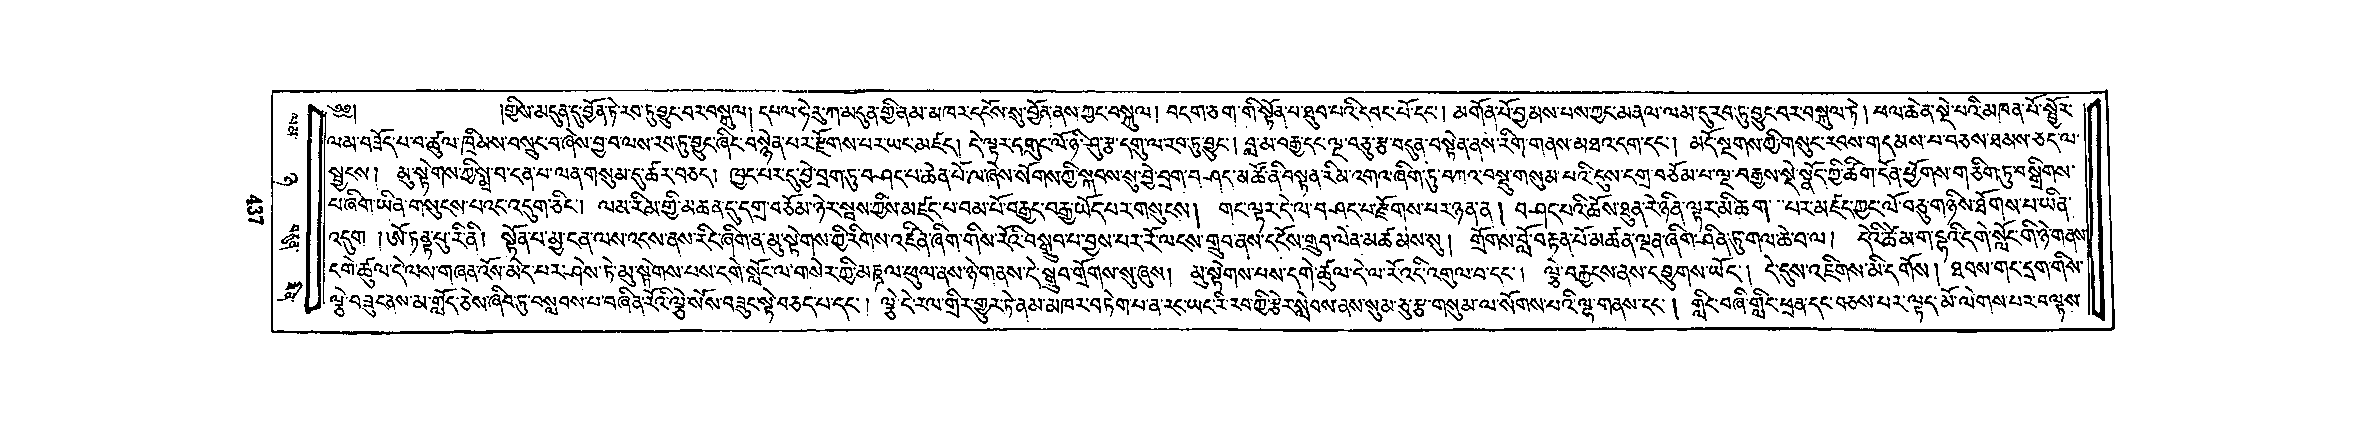༄༅། །གྱིས་མདུན་དུ་བྱོན་ཏེ་རབ་ཏུ་བྱུང་བར་བསྐུལ། དཔལ་ཧེ་རུ་ཀ་མདུན་གྱི་ནམ་མཁར་དངོས་སུ་བྱོན་ནས་ཀྱང་བསྐུལ། བདག་ཅག་གི་སྟོན་པ་ཐུབ་པའི་དབང་པོ་དང་། མགོན་པོ་བྱམས་པས་ཀྱང་མནལ་ལམ་དུ་རབ་ཏུ་བྱུང་བར་བསྐུལ་ཏེ། ཕལ་ཆེན་སྡེ་པའི་མཁན་པོ་སྦྱོར་
ལམ་བཟོད་པ་བ་ཚུལ་ཁྲིམས་བསྲུང་བ་ཞེས་བྱ་བ་ལས་རབ་ཏུ་བྱུང་ཞིང་བསྙེན་པར་རྫོགས་པར་ཡང་མཛད། དེ་ལྟར་དགུང་ལོ་ཉི་ཤུ་རྩ་དགུ་ལ་རབ་ཏུ་བྱུང་། བླ་མ་བརྒྱ་དང་ལྔ་བཅུ་རྩ་བདུན་བསྟེན་ནས་རིག་གནས་མཐའ་དག་དང་། མདོ་སྔགས་ཀྱི་གསུང་རབས་གདམས་པ་བཅས་ཐམས་ཅད་ལ་
སྦྱངས། མུ་སྟེགས་ཀྱི་སྨྲ་བ་ངན་པ་ལན་གསུམ་དུ་ཚར་བཅད། ཁྱད་པར་དུ་བྱེ་བྲག་ཏུ་བཤད་པ་ཆེན་པོ་ལ་ཞེས་སོགས་ཀྱི་སྐབས་སུ་བྱེ་བྲག་བཤད་མཚོ་ནི་བསྟན་རིམ་འགའ་ཞིག་ཏུ་བཀའ་བསྡུ་གསུམ་པའི་དུས་དགྲ་བཅོམ་པ་ལྔ་བརྒྱས་སྡེ་སྣོད་ཀྱི་ཚིག་དོན་ཕྱོགས་གཅིག་ཏུ་བསྒྲིགས་
པ་ཞིག་ཡིན་གསུངས་པའང་འདུག་ཅིང་། ལམ་རིམ་གྱི་མཆན་དུ་དགྲ་བཅོམ་ཉེར་སྦས་ཀྱིས་མཛད་པ་བམ་པོ་བརྒྱད་བརྒྱ་ཡོད་པར་གསུངས། གང་ལྟར་དེ་ལ་བཤད་པ་རྫོགས་པར་ཉན་ན། བཤད་པའི་ཆོས་ཐུན་རེ་ཉིན་ལྟར་མི་ཆག་པར་མཛད་ཀྱང་ལོ་བཅུ་གཉིས་ཐོགས་པ་ཡིན་
འདུག །ཨོ་ཏནྟ་པུ་རི་ནི། སྟོན་པ་མྱ་ངན་ལས་འདས་ནས་རིང་ཞིག་ན་མུ་སྟེགས་ཀྱི་རིགས་འཛིན་ཞིག་གིས་རོའི་བསྒྲུབ་པ་བྱས་པར་རོ་ལངས་གྲུབ་ནས་དངོས་གྲུབ་ལེན་མཚམས་སུ། གྲོགས་བློ་བརྟན་པོ་མཚན་ལྡན་ཞིག་ཤིན་ཏུ་གལ་ཆེ་བ་ལ། དེའི་ཚེ་མ་ག་དྷའི་དགེ་སློང་གི་ཉེ་གནས་
དགེ་ཚུལ་དེ་ལས་གཞན་འོས་མེད་པར་ཤེས་ཏེ་མུ་སྟེགས་པས་དགེ་སློང་ལ་གསེར་གྱི་མཎྜལ་ཕུལ་ནས་ཉེ་གནས་དེ་སྒྲུབ་གྲོགས་སུ་ཞུས། མུ་སྟེགས་པས་དགེ་ཚུལ་དེ་ལ་རོ་འདི་འགུལ་བ་དང་། ལྕེ་བརྐྱངས་ནས་དབྱུགས་ཡོང་། དེ་དུས་འཇིགས་མི་དགོས། ཐབས་གང་དྲག་གིས་
ལྕེ་བཟུང་ནས་མ་གློད་ཅེས་ཞིབ་ཏུ་བསླབས་པ་བཞིན་རོའི་ལྕེ་སོས་བཟུང་སྟེ་བཅད་པ་དང་། ལྕེ་དེ་རལ་གྲིར་གྱུར་ཏེ་ནམ་མཁར་བཏེག་པ་ན་རང་ཡང་རི་རབ་ཀྱི་རྩེར་སླེབས་ནས་སུམ་ཅུ་རྩ་གསུམ་ལ་སོགས་པའི་ལྷ་གནས་དང་། གླིང་བཞི་གླིང་ཕྲན་དང་བཅས་པར་ལྟད་མོ་ལེགས་པར་བལྟས་